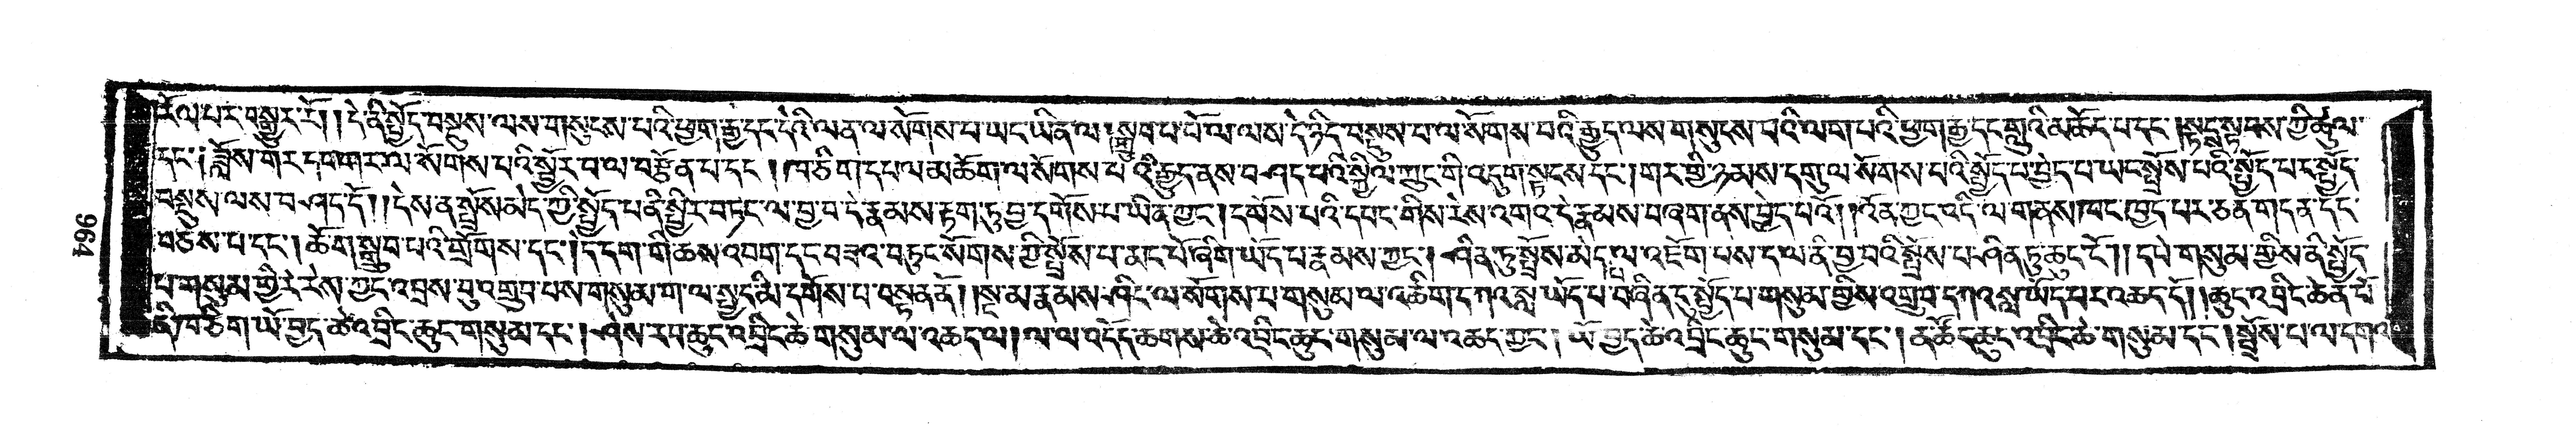རོལ་པར་བསྒྱུར་རོ། །དེ་ནི་སྤྱོད་བསྡུས་ལས་གསུངས་པའི་ཕྱག་རྒྱ་དང་དེའི་ལན་ལ་སོགས་པ་ཡང་ཡིན་ལ། སྒྲུབ་པ་པོ་ལ་ལས་དེ་ཉིད་བསྡུས་པ་ལ་སོགས་པའི་རྒྱུད་ལས་གསུངས་པའི་ལག་པའི་ཕྱག་རྒྱ་དང་གླུའི་མཆོད་པ་དང་། སྟངས་སྟབས་ཀྱི་ཚུལ་
དང་། ཟློས་གར་དང་གར་ལ་སོགས་པའི་སྦྱོར་བ་ལ་བརྩོན་པ་དང་། ཁ་ཅིག་དཔལ་མཆོག་ལ་སོགས་པའི་རྒྱུད་ནས་བཤད་པའི་སྐྱིལ་ཀྲུང་གི་འདུག་སྟེངས་དང་། གར་གྱི་ཉམས་དགུ་ལ་སོགས་པའི་སྤྱོད་པ་བྱེད་པ་ཡང་སྤྲོས་པའི་སྤྱོད་པར་སྤྱོད་
བསྡུས་ལས་བཤད་དོ། །དེས་ན་སྤྲོས་མེད་ཀྱི་སྤྱོད་པ་ནི་སྤྱིར་བཏང་ལ་བྱ་བ་དེ་རྣམས་རྟག་ཏུ་བྱ་དགོས་པ་ཡིན་ཀྱང་། དགོས་པའི་དབང་གིས་རེས་འགའ་དེ་རྣམས་བཞག་ནས་བྱེད་པའོ། །འོན་ཀྱང་འདི་ལ་གནས་ཁང་ཁྱད་པར་ཅན་གདན་དང་
བཅས་པ་དང་། ཆོ་ག་སྒྲུབ་པའི་གྲོགས་དང་། དེ་དག་གི་ཆས་འབག་དང་བཟའ་བཏུང་སོགས་ཀྱི་སྤྲོས་པ་མང་པོ་ཞིག་ཡོད་པ་རྣམས་ཀྱང་། ཤིན་ཏུ་སྤྲོས་མེད་པ་ལ་འཇོག་པས་དེ་ལ་ནི་བྱ་བའི་སྤྲོས་པ་ཤིན་ཏུ་ཆུང་ངོ། །དཔེ་གསུམ་གྱིས་ནི་སྤྱོད་
པ་གསུམ་གྱི་ར་རེས་ཀྱང་འབྲས་བུ་འགྲུབ་པས་གསུམ་ག་ལ་སྤྱད་མི་དགོས་པ་བསྟན་ནོ། །སྔ་མ་རྣམས་ཤིང་ལ་སོགས་པ་གསུམ་ལ་འཆིག་དཀའ་སླ་ཡོད་པ་བཞིན་དུ་སྤྱོད་པ་གསུམ་གྱིས་འགྲུབ་དཀའ་སླ་ཡོད་པར་འཆད་དོ། །ཆུང་འབྲིང་ཆེན་པོ་
ནི་ཁ་ཅིག་ཡོ་བྱད་ཆེ་འབྲིང་ཆུང་གསུམ་དང་། ཤེས་རབ་ཆུང་འབྲིང་ཆེ་གསུམ་ལ་འཆད་ལ། ལ་ལ་འདོད་ཆགས་ཆེ་འབྲིང་ཆུང་གསུམ་ལ་འཆད་ཀྱང་། ཡོ་བྱད་ཆེ་འབྲིང་ཆུང་གསུམ་དང་། ན་ཚོད་ཆུང་འབྲིང་ཆེ་གསུམ་དང་། སྤྲོས་པ་ལ་དགའ་